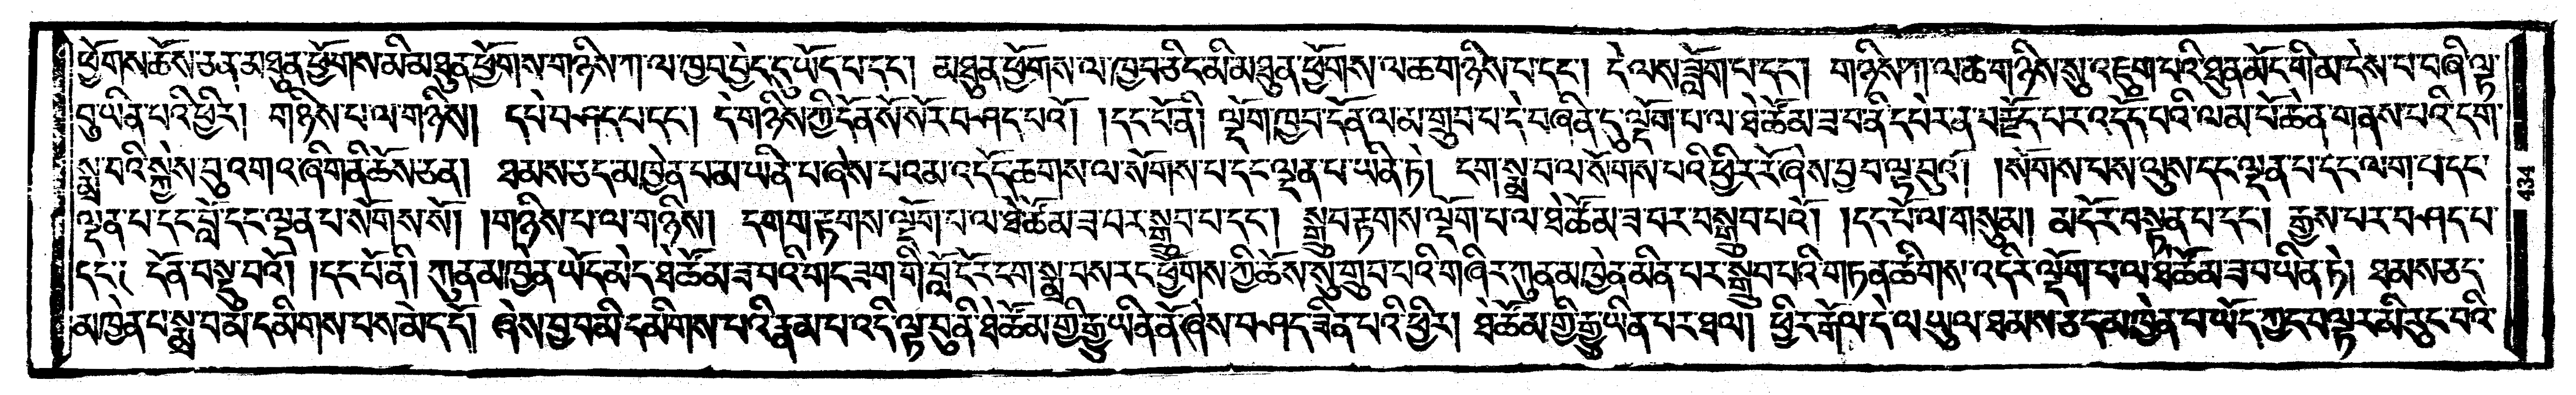ཕྱོགས་ཆོས་ཅན་མཐུན་ཕྱོགས་མི་མཐུན་ཕྱོགས་གཉིས་ཀ་ལ་ཁྱབ་བྱེད་དུ་ཡོད་པ་དང་། མཐུན་ཕྱོགས་ལ་ཁྱབ་ཅིང་མི་མཐུན་ཕྱོགས་ལ་ཆ་གཉིས་པ་དང་། དེ་ལས་ཟློག་པ་དང་། གཉིས་ཀ་ལ་ཆ་གཉིས་སུ་འཇུག་པའི་ཐུན་མོང་གི་མ་དེས་པ་བཞི་ལྟ་
བུ་ཡིན་པའི་ཕྱིར། གཉིས་པ་ལ་གཉིས། དཔེ་བཤད་པ་དང་། དེ་གཉིས་ཀྱི་དོན་སོ་སོར་བཤད་པའོ། །དང་པོ་ནི། ལྡོག་ཁྱབ་དོན་ལ་མ་གྲུབ་པ་དེ་བཞིན་དུ་ལྡོག་པ་ལ་ཐེ་ཚོམ་ཟ་བ་ནི་དཔེར་ན་བརྗོད་པར་འདོད་པའི་ལམ་པོ་ཆེན་གནས་པའི་དག་
སྨྲ་བའི་སྐྱེས་བུ་འགའ་ཞིག་ནི་ཆོས་ཅན། ཐམས་ཅད་མཁྱེན་པ་མ་ཡིན་པ་ཞེས་པའམ་འདོད་ཆགས་ལ་སོགས་པ་དང་ལྡན་པ་ཡིན་ཏེ། དག་སྨྲ་བ་ལ་སོགས་པའི་ཕྱིར་རོ་ཞེས་བྱ་བ་ལྟ་བུའོ། །སོགས་པས་ལུས་དང་ལྡན་པ་དང་ལག་པ་དང་
ལྡན་པ་དང་བློ་དང་ལྡན་པ་སོགས་སོ། །གཉིས་པ་ལ་གཉིས། དགག་རྟགས་ལྡོག་པ་ལ་ཐེ་ཚོམ་ཟ་བར་སྒྲུབ་པ་དང་། སྒྲུབ་རྟགས་ལྡོག་པ་ལ་ཐེ་ཚོམ་ཟ་བར་བསྒྲུབ་པའོ། །དང་པོ་ལ་གསུམ། མདོར་བསྟན་པ་དང་། རྒྱས་པར་བཤད་པ་
དང༑ དོན་བསྡུ་བའོ། །དང་པོ་ནི། ཀུན་མཁྱེན་ཡོད་མེད་ཐེ་ཚོམ་ཟ་བའི་གང་ཟག་གི་བློ་ངོར་དག་སྨྲ་བས་རང་ཕྱོགས་ཀྱི་ཆོས་སུ་གྲུབ་པའི་གཞིར་ཀུན་མཁྱེན་མིན་པར་སྒྲུབ་པའི་གཏན་ཚིགས་འདིར་ལྡོག་པ་ལ་ཐེ་ཚོམ་ཟ་བ་ཡིན་ཏེ། ཐམས་ཅད་
མཁྱེན་པ་སྨྲ་བ་མ་དམིགས་པས་མེད་དོ། ཞེས་བྱ་བ་མི་དམིགས་པའི་རྣམ་པ་འདི་ལྟ་བུ་ནི་ཐེ་ཚོམ་གྱི་རྒྱུ་ཡིན་ནོ་ཞེས་བཤད་ཟིན་པའི་ཕྱིར། ཐེ་ཚོམ་གྱི་རྒྱུ་ཡིན་པར་ཐལ། ཕྱིར་རྒོལ་དེ་ལ་ཡུལ་ཐམས་ཅད་མཁྱེན་པ་ཡོད་ཀྱང་བལྟར་མི་རུང་བའི་